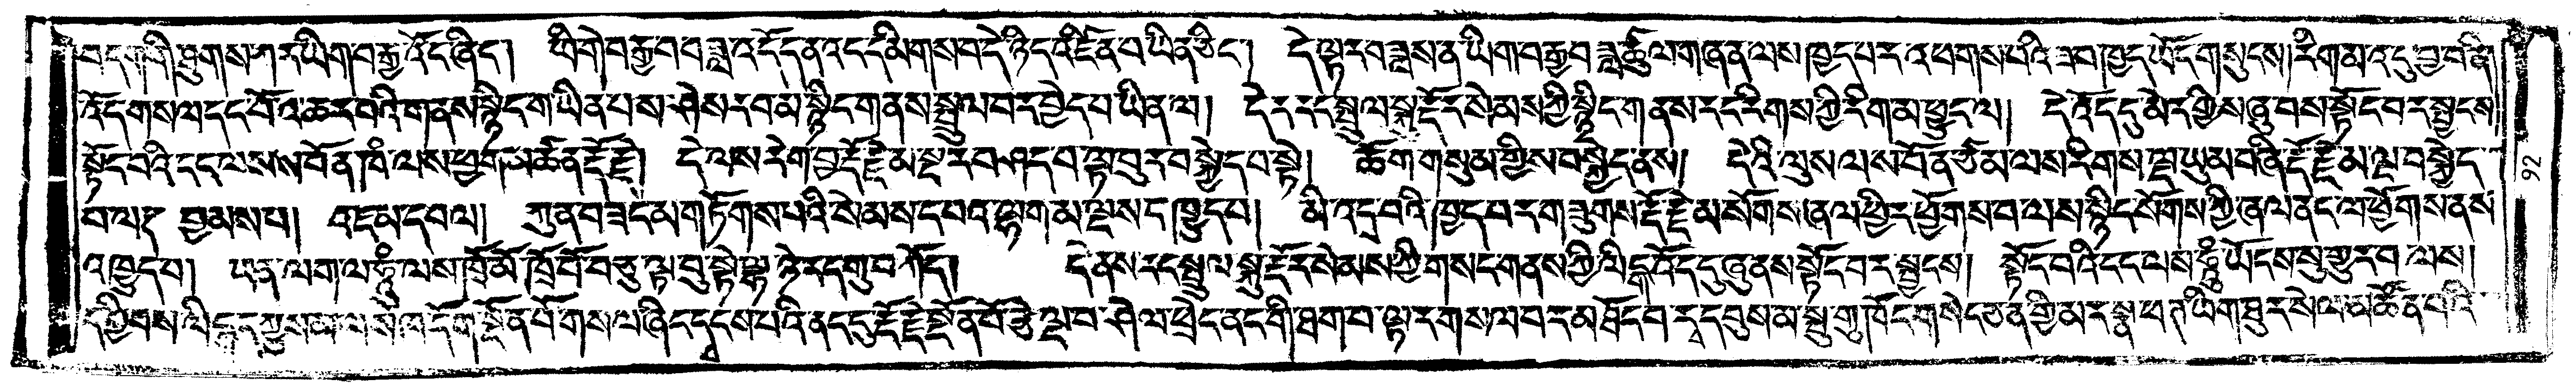བདག་གི་ཐུགས་ཀར་ཡིག་བརྒྱ་འོང་ཞིང་། ཡི་གེ་བརྒྱ་བ་བཟླ་འདོད་ནའང་དམིགས་བ་དེ་ཉིད་འཛིན་པ་ཡིན་ཅིང་། དེ་ལྟར་བཟླས་ན་ཡིག་བརྒྱ་བ་ཟླ་ཚུལ་གཞན་ལས་ཁྱད་པར་འཕགས་པའི་ཟབ་ཁྱད་ཡོད་གསུངས། རིག་མ་འདུ་བྱ་བ་ནི།
འོད་གསལ་དང་པོ་འཆར་བའི་གནས་སྙིང་ག་ཡིན་པས་ཤེས་རབ་མ་སྙིང་ག་ནས་སྤྲུལ་བར་བྱེད་པ་ཡིན་ལ། དེར་རང་སྤྲུལ་སྐུ་རྡོར་སེམས་ཀྱི་སྙིང་གནས་རང་རིགས་ཀྱི་རིག་མ་ཕྱུང་ལ། དེ་འོད་དུ་མེར་གྱིས་ཞུ་བས་སྟོང་བར་སྦྱངས།
སྟོང་པའི་ངང་ལས་ས་བོན་ཁཾ་ལས་ཕྱག་མཚན་རྡོ་རྗེ། དེ་ལས་རེག་བྱ་རྡོ་རྗེ་མ་སྔར་བཤད་བ་ལྟ་བུར་བསྐྱེད་བ་སྟེ། ཆོ་ག་གསུམ་གྱིས་བསྐྱེད་ནས། དེའི་ལུས་ལ་ས་བོན་ཙམ་ལས་རིགས་ལྔ་ཡུམ་བཞི་རྡོ་རྗེ་མ་ལྔ་བསྐྱེད་
པ་ལ༑ བྱམས་པ། འཇམ་དཔལ། ཀུན་བཟང་མ་གཏོགས་པའི་སེམས་དཔའ་ལྷག་མ་ལྔ་སང་ཁྱུད་པ། མི་འདྲ་བའི་ཁྱད་པར་གཟུགས་རྡོ་རྗེ་མ་སོགས་ཞལ་ཕྱིར་ཕྱོགས་བ་ལས་སྙིང་སོགས་ཀྱི་ཞལ་ནང་ལ་ཕྱོགས་ནས་
འཁྱུད་པ། ཡན་ལག་ལ་ཧཱུཾ་ལས་ཁྲོ་མོ་ཁྲོ་བོ་བཅུ་ལྟ་བུ་སྟེ་ལྷ་ཉེར་དགུ་བཀོད། དེ་ནས་རང་སྤྲུལ་སྐུ་རྡོར་སེམས་ཀྱི་གསང་གནས་ཀྱི་ལིངྒ་འོད་དུ་ཞུ་ནས་སྟོང་བར་སྦྱངས། སྟོང་བའི་ངང་ལས་ཧཱུཾ་ཡོངས་སུ་གྱུར་བ་ལས།
དབྱིབས་ལིངྒ་དཀྱུས་མ་ལས་ཁ་དོག་སྔོན་པོ་གསལ་ཞིང་དྭངས་པའི་ནང་དུ་རྡོ་རྗེ་སྔོན་པོ་རྩེ་ལྔ་བ་ཤེལ་ཕྲེང་ནང་གི་ཐག་བ་ལྟར་གསལ་བར་མཐོང་བ་རྭ་དབུས་མ་སྤུ་གུ་ཁོང་གསེང་ཅན་གྱི་མར་སྣ་ཕཊ་ཡིག་ཐུར་སེལ་མཚོན་པའི་